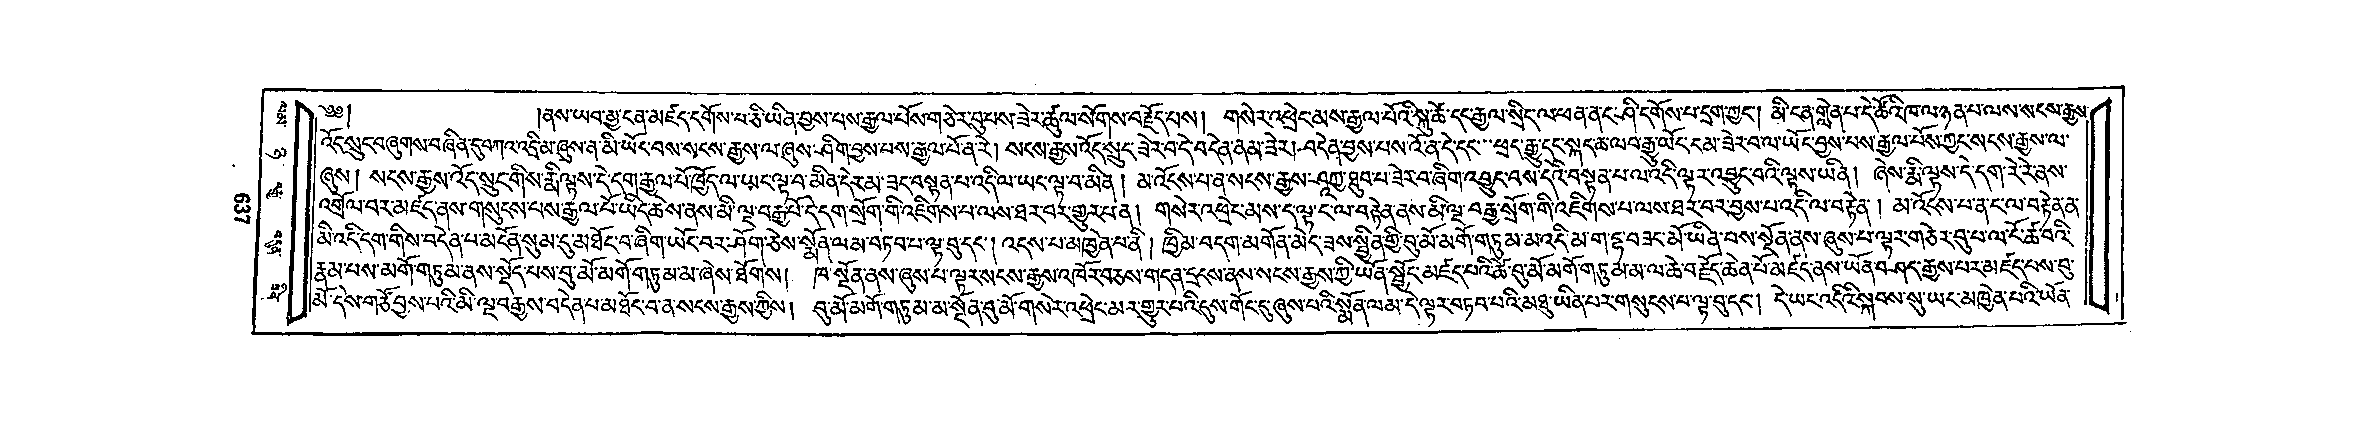༄༅། །ནས་ཡབ་མྱ་ངན་མཛད་དགོས་པ་ཅི་ཡིན་བྱས་པས་རྒྱལ་པོས་གཅེར་བུ་པས་ཟེར་ཚུལ་སོགས་བརྗོད་པས། གསེར་འཕྲེང་མས་རྒྱལ་པོའི་སྐུ་ཚེ་དང་རྒྱལ་སྲིད་ལ་ཕན་ན་ང་ཤི་དགོས་པ་དྲག་ཀྱང་། མི་ངན་གླེན་པ་དེ་ཚོའི་ཁ་ལ་ཉན་པ་ལས་སངས་རྒྱས་
འོད་སྲུང་བཞུགས་བཞིན་དུ་བཀའ་འདྲི་མ་ཞུས་ན་མི་ཡོང་བས་སངས་རྒྱས་ལ་ཞུས་ཤིག་བྱས་པས་རྒྱལ་པོ་ན་རེ། སངས་རྒྱས་འོད་སྲུང་ཟེར་བ་དེ་བདེན་ནམ་ཟེར། བདེན་བྱས་པས་འོ་ན་དེ་དང་ཕྲད་རྒྱུ་དང་སྐད་ཆ་ལབ་རྒྱུ་ཡོད་དམ་ཟེར་བ་ལ་ཡོང་བྱས་པས་རྒྱལ་པོས་ཀྱང་སངས་རྒྱས་ལ་
ཞུས། སངས་རྒྱས་འོད་སྲུང་གིས་རྨི་ལྟས་དེ་དག་རྒྱལ་པོ་ཁྱོད་ལ་ཡང་ལྟ་བ་མིན་དེར་མ་ཟད་བསྟན་པ་འདི་ལ་ཡང་ལྟ་བ་མིན། མ་འོངས་པ་ན་སངས་རྒྱས་ཤཱཀྱ་ཐུབ་པ་ཟེར་བ་ཞིག་འབྱུང་བས་དེའི་བསྟན་པ་ལ་འདི་ལྟར་འབྱུང་བའི་ལྟས་ཡིན། ཞེས་རྨི་ལྟས་དེ་དག་རེ་རེ་ནས་
འགྲོལ་བར་མཛད་ནས་གསུངས་པས་རྒྱལ་པོ་ཡིད་ཆེས་ནས་མི་ལྔ་བརྒྱ་པོ་དེ་དག་སྲོག་གི་འཇིགས་པ་ལས་ཐར་བར་གྱུར་པ་ན། གསེར་འཕྲེང་མས་ད་ལྟ་ང་ལ་བརྟེན་ནས་མི་ལྔ་བརྒྱ་སྲོག་གི་འཇིགས་པ་ལས་ཐར་བར་བྱས་པ་འདི་ལ་བརྟེན། མ་འོངས་པ་ན་ང་ལ་བརྟེན་ན་
མི་འདི་དག་གིས་བདེན་པ་མངོན་སུམ་དུ་མཐོང་བ་ཞིག་ཡོང་བར་ཤོག་ཅེས་སྨོན་ལམ་བཏབ་པ་ལྟ་བུ་དང་། འདས་པ་མཁྱེན་པ་ནི། ཁྱིམ་བདག་མགོན་མེད་ཟས་སྦྱིན་གྱི་བུ་མོ་མགོ་གཏུམ་མ་འདི་མ་ག་དྷ་བཟང་མོ་ཡིན་པས་སྔོན་ནས་ཞུས་པ་ལྟར་གཅེར་བུ་པ་ལ་ངོ་ཚ་བའི་
རྣམ་པས་མགོ་གཏུམ་ནས་སྡོད་པས་བུ་མོ་མགོ་གཏུམ་མ་མ་ཞེས་ཐོགས། ཁ་སྔོན་ནས་ཞུས་པ་ལྟར་སངས་རྒྱས་འཁོར་བཅས་གདན་དྲངས་ནས་སངས་རྒྱས་ཀྱི་ཡོན་སྦྱོང་མཛད་པའི་ཚེ་བུ་མོ་མགོ་གཏུམ་མ་ལ་ཆེ་བརྗོད་ཆེན་པོ་མཛད་ནས་ཡོན་བཤད་རྒྱས་པར་མཛད་པས་བུ་
མོ་དེས་གཙོ་བྱས་པའི་མི་ལྔ་བརྒྱས་བདེན་པ་མཐོང་བ་ན་སངས་རྒྱས་ཀྱིས། བུ་མོ་མགོ་གཏུམ་མ་སྔོན་བུ་མོ་གསེར་འཕྲེང་མར་གྱུར་པའི་དུས་གོང་དུ་ཞུས་པའི་སྨོན་ལམ་དེ་ལྟར་བཏབ་པའི་མཐུ་ཡིན་པར་གསུངས་པ་ལྟར་བུ་དང་། དེ་ཡང་འདིའི་སྐབས་སུ་ཡང་མཁྱེན་པའི་ཡོན་